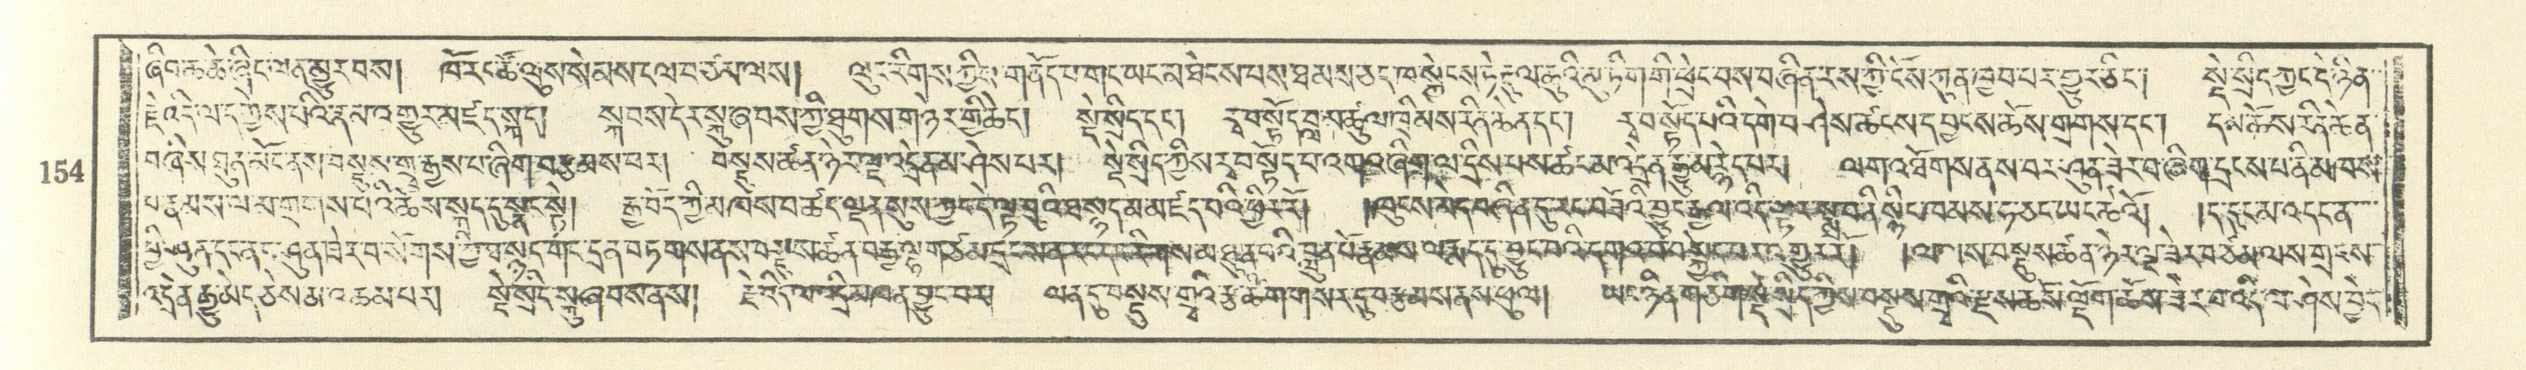ཞིབ་ཆ་ཆེ་ཞིང་ལན་མྱུར་བས། ཁོ་རང་ཚོ་ལུས་སེམས་ངལ་བ་ཙམ་ལས། ལུང་རིགས་ཀྱིས་གནོད་པ་གང་ཡང་མ་ཐེངས་པས་ཐམས་ཅད་ཁ་སྐྱེངས་ཏེ་རྡུལ་ཆུའི་མུ་ཏིག་གི་ཕྲེང་བས་བཞིན་རས་ཀྱི་ངོས་ཀུན་ཁྱབ་པར་གྱུར་ཅིང་། སྡེ་སྲིད་ཀྱང་དེ་ཉིན་
རྗེ་འདི་ལ་དགྱེས་པའི་རྣམ་འགྱུར་མཛད་སྐད། སྐབས་དེར་སྐུ་ཞབས་ཀྱི་ཐུགས་གཉེར་གྱི་ཆེད། སྡེ་སྲིད་དང་། རྭ་བ་སྟོད་བླ་མ་ཚུལ་ཁྲིམས་རིན་ཆེན་དང་། རྭ་བ་སྟོད་པའི་དགེ་བཤེས་ཚངས་དབྱངས་ཆོས་གྲགས་དང་། དམ་ཆོས་རིན་ཆེན་
བཞིས་ཐུན་མོང་ནས་བསྡུས་གྲྭ་རྒྱས་པ་ཞིག་བརྩམས་པར། བསྡུས་ཚན་ཉེར་ལྔ་འདྲེན་མ་ཤེས་པར། སྡེ་སྲིད་ཀྱིས་རྭ་བསྟོད་པ་འགའ་ཞིག་ལ་དྲིས་པས་ཚང་མ་འདྲེན་རྒྱུ་མ་རྙེད་པར། ལག་འཐོགས་ནས་བར་ཤུན་ཟེར་བ་ཞིག་དྲངས་པ་ནི་མཁས་
པ་རྣམས་ལ་མ་གྲགས་པའི་ཆོས་སྐད་དུ་སྣང་སྟེ། རྒྱ་བོད་ཀྱི་མཁས་པ་ཚད་ལྡན་སུས་ཀྱང་དེ་ལྟ་བུའི་ཐ་སྙད་མ་མཛད་པའི་ཕྱིར་རོ། །ཁུངས་མེད་བཞིན་དུ་རང་བཟོའི་བྱུང་རྒྱལ་འདི་ལྟར་སྨྲ་བ་ནི་སྙིང་ཁམས་ཧ་ཅང་ཡང་ཆེའོ། །ད་དུང་མ་འདང་ན་
ཕྱི་ཤུན་དང་ནང་ཤུན་ཟེར་བ་སོགས་ཀྱི་ཐ་སྙད་གང་དྲན་བཏགས་ནས་བསྡུས་ཚན་བརྒྱ་ལྷག་ཙམ་དྲངས་ན་རང་དང་རིགས་མཐུན་པའི་བླུན་པོ་རྣམས་ལ་རྨད་དུ་བྱུང་བའི་དགའ་བ་བསྐྱེད་པར་འགྱུར་རོ། །ལ་ལས་བསྡུས་ཚན་ཉེར་ལྔ་ཟེར་བ་ཙམ་ལས་གྲངས་
འདྲེན་རྒྱུ་མེད་ཅེས་མ་འཆམ་པར། སྡེ་སྲིད་སྐུ་ཞབས་ནས། རྗེ་འདི་ལ་འདྲི་མཁན་བྱུང་བར། ལན་དུ་བསྡུས་གྲྭའི་རྩ་ཚིག་གསར་དུ་བརྩམས་ནས་ཕུལ། ཡང་ཉིན་གཅིག་སྡེ་སྲིད་ཀྱིས་བསྡུས་གྲྭའི་རྫས་ཆོས་ལྡོག་ཆོས་ཟེར་བ་འདི་ལ་ཤེས་བྱེད་